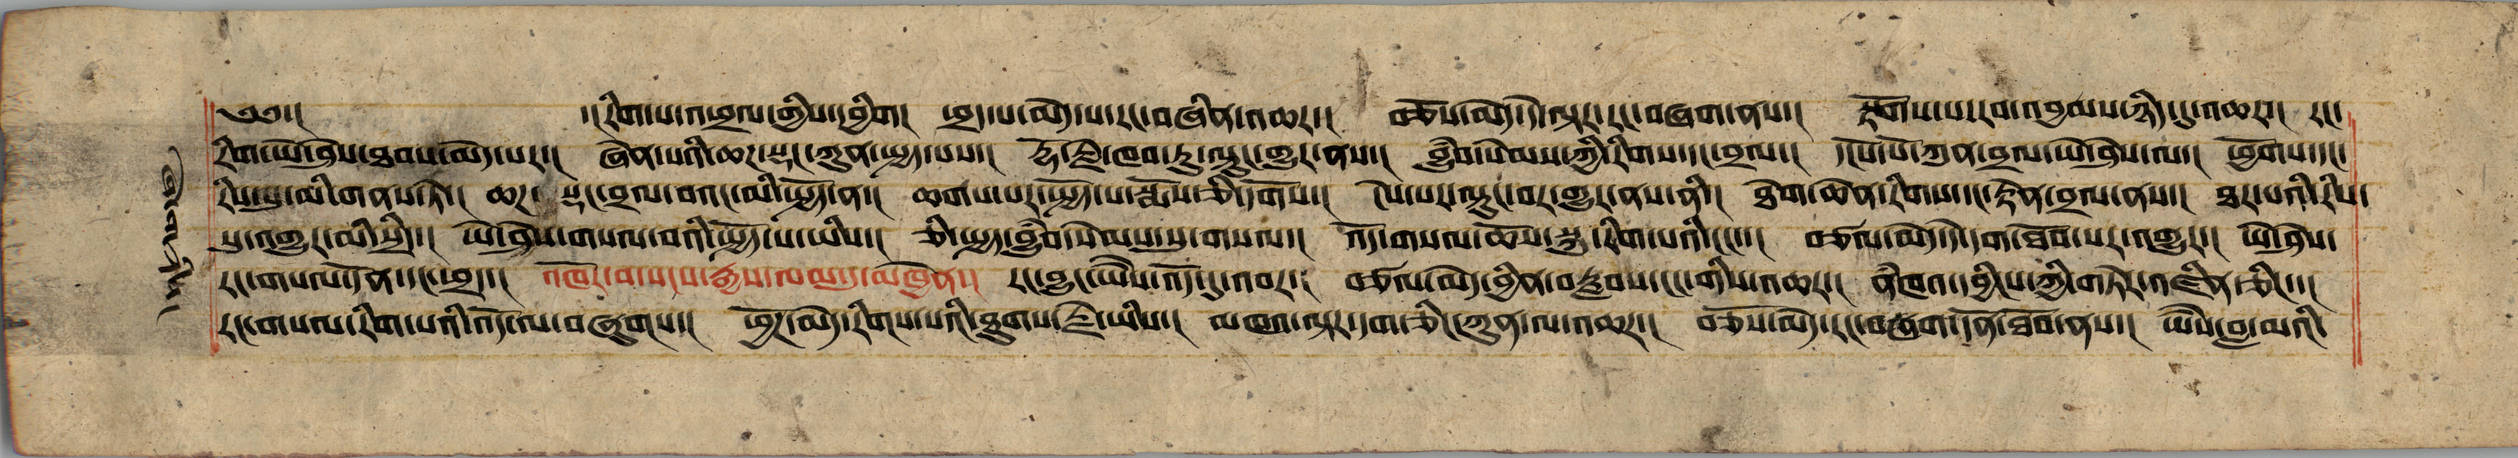༄༅་། ་།རིག་པ་འཕྲལ་གྱིས་དབྱིག། ཕྲད་པ་མེད་པ་རང་བཞིན་འཆར་། བཅོས་མེད་དེ་ལྟར་རང་བཞག་ནས་། རྟོགས་པ་རབ་འབྱམས་ཉིད་དུ་འཆར་། རང་
རིག་ཡེ་ཤེས་མཐའ་མེད་པར་། ཞེན་པའི་ཆཌ་སྡང་ཀུན་སྤྱད་པས་། རྡོ་རྗེ་ཁབ་ཏུ་ལྟུང་གྱུར་ནས་། བྱུཾབ་སེམས་ཀྱི་རིགས་དང་བྲལ་། དངོས་པོ་ཀུན་བྲལ་ཡེ་ཤེས་ལ་། ཕྱོགས་དང་
རི་ལུང་མི་གནས་ཏེ་། ཆཌ་སྡང་བྲལ་བའང་མི་སྤྱོད་ན་། ཆགས་པར་སྤྱོད་པ་སྨོས་མི་དགོས་། ངེས་པར་ལྟུང་བར་གྱུར་ནས་ནི་། ཐེག་ཆེན་རིགས་དང་རྟེན་བྲལ་ནས་། ཐར་པའི་རིས་
སུ་འགྱུར་མི་སྲིད་། ཡེ་ཤེས་གསལ་བའི་སྤྱོད་པ་ཡིས་། ཅི་སྤྱད་བྱུཾབ་སེམས་སུ་གསལ་། འོད་གསལ་ཆོས་སྐུ་རིག་པའི་ངང་། བཙལ་མེད་དེ་དག་ཐོབ་པར་འགྱུར་། ཡེ་ཤེས་
རང་གསལ་དོན་དང་ཕྲད་། འཁོར་བ་སངས་རྒྱས་ལམ་དུ་མཁྱེན་། རང་བྱུང་ཡཻས་འདོ་དུ་འབར་། བཙལ་མེད་བྱིན་བརླབས་ངང་གིས་འཆར་། ནཾཁའ་དབྱིངས་ཀྱི་གཏེར་འཛིན་ཅིང་་།
རང་གསལ་་རིག་པའི་འདོ་ལ་བཞུགས་། ཕྱོཌ་མེད་རིགས་པའི་ཐུགས་རྗེ་ཡིས་། མཁའ་ལྟར་དག་ཅིང་ཀུན་ལ་འཆར་། བཅོས་མེད་རང་བཙུག་དོན་ཐོབ་ནས་། ཡཻས་བླ་མའི་